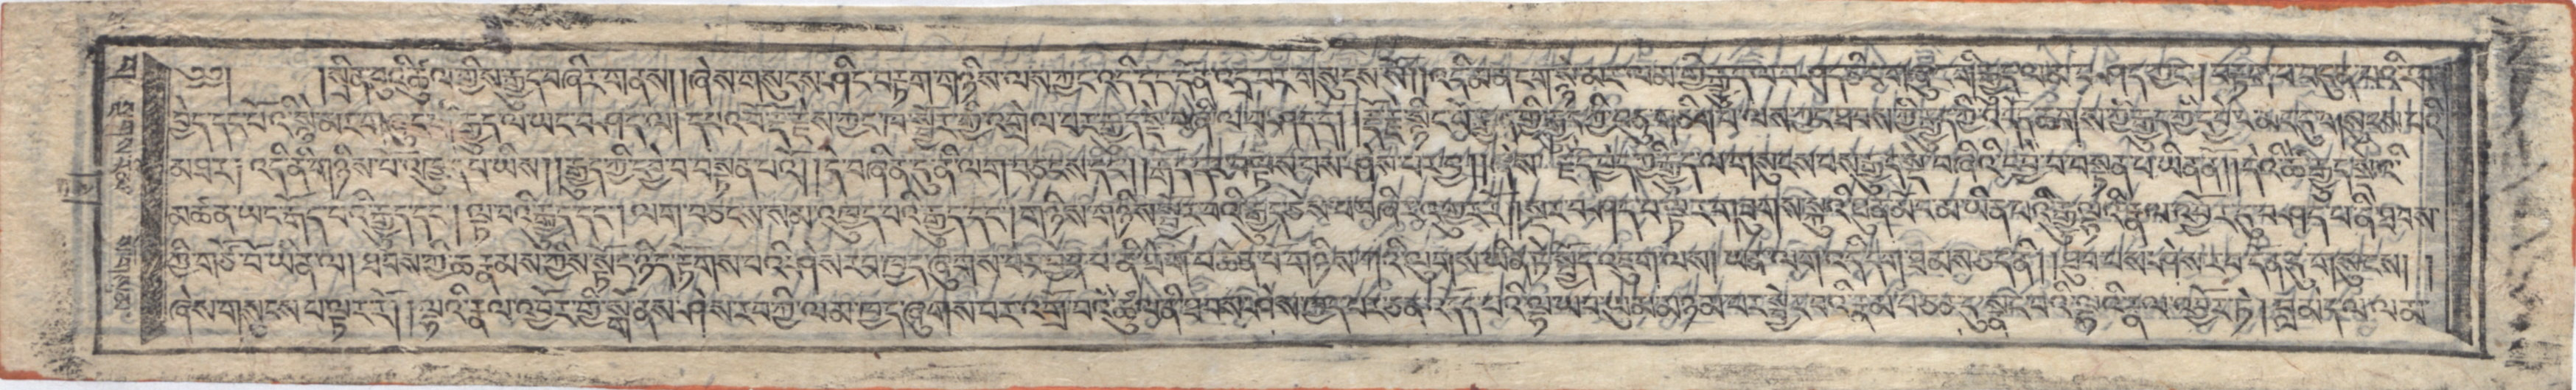༄༅། །སྲིན་བུའི་ཚུལ་གྱིས་རྒྱུད་བཞིར་གནས། །ཞེས་གསུངས་ཤིང་བརྟག་གཉིས་ལས་ཀྱང་འདི་དང་དོན་འདྲ་བར་གསུངས་སོ། །འདི་མན་ངག་སྙེ་མར་ལམ་གྱི་རྒྱུད་ལ་བཤད་ཅིང་གཞུང་གི་རྒྱུད་ལ་མ་བཤད་ཀྱང་། བརྟག་པ་བདུན་པའི་རབ་
བྱེད་དང་པོའི་སྙེ་མར་གཞུང་གི་རྒྱུད་ལ་ཡང་བཤད་ལ། དཔའ་བོ་རྡོ་རྗེས་ཀྱང་ཁ་སྦྱོར་གྱི་འགྲེལ་པར་རྒྱུད་སྡེ་བཞི་ལ་བཤད་དོ། །རྡོ་རྗེ་སྙིང་པོ་རྒྱན་གྱི་རྒྱུད་ཀྱི་བཅུ་གཅིག་པ་ལས་ཀྱང་ཐབས་ཀྱི་རྒྱུད་ཀྱི་འདོད་ཆགས་ཀྱི་རྒྱུད་ཀྱི་རྒྱུད་ཀྱི་དབྱེ་བ་མང་དུ་གསུངས་པའི་
མཐར༑ འདི་ནི་གཉིས་པོ་འཁྱུད་པ་ཡིས། །རྒྱུད་ཀྱི་དབྱེ་བ་བསྟན་པའོ། །དེ་བཞིན་དུ་ནི་ལག་བཅངས་དང་། །རྒོད་དང་བལྟས་པས་ཤེས་པར་བྱ། །ཞེས་རྗོད་བྱེད་ཀྱི་རྒྱུད་ལ་གསུངས་པས་རྒྱུད་སྡེ་བཞིའི་དབྱེ་བ་བསྟན་པ་ཡིན་ནོ། །དེའི་ཚེ་རྒྱུད་སྡེའི་
མཚན་ཡང་རྒོད་པའི་རྒྱུད་དང་། ལྟ་བའི་རྒྱུད་དང་། ལག་བཅངས་སམ་འཁྱུད་པའི་རྒྱུད་དང་། གཉིས་གཉིས་སྦྱོར་བའི་རྒྱུད་ཅེས་པ་བཞིར་འགྱུར་རོ། །སྔར་བཤད་པ་ལྟར་གཟུགས་སྐུའི་ཐུན་མོང་མ་ཡིན་པའི་རྒྱུ་ལྷའི་རྣལ་འབྱོར་དུ་བཤད་པ་ནི་ཐབས་
ཀྱི་གཙོ་བོ་ཡིན་ལ། ཐབས་ཀྱི་ཆ་རྣམས་ཀྱིས་སྟོང་ཉིད་རྟོགས་པའི་ཤེས་རབ་ཁྱད་ཞུགས་པར་བྱེད་པ་ནི་ཐེག་པ་ཆེན་པོ་གཉིས་ཀའི་ལུགས་ཡིན་ཏེ་སྤྱོད་འཇུག་ལས། ཡན་ལག་འདི་དག་ཐམས་ཅད་ནི། །ཐུབ་པས་ཤེས་རབ་དོན་དུ་གསུངས། །
ཞེས་གསུངས་པ་ལྟར་རོ། །ལྷའི་རྣལ་འབྱོར་གྱི་སྒོ་ནས་ཤེས་རབ་ཀྱི་ལམ་ཁྱད་ཞུགས་པར་འགྲོ་བའི་ཚུལ་ནི་ཐབས་ཤེས་ཁྱད་པར་ཅན་འདོད་པའི་ལྷ་ཡབ་ཡུམ་མཉམ་པར་སྦྱོར་བའི་རྣམ་པ་ཅན་དུ་སྣང་བའི་ལྷའི་རྣལ་འབྱོར་ཏེ། བླ་མེད་ལ་ལམ་